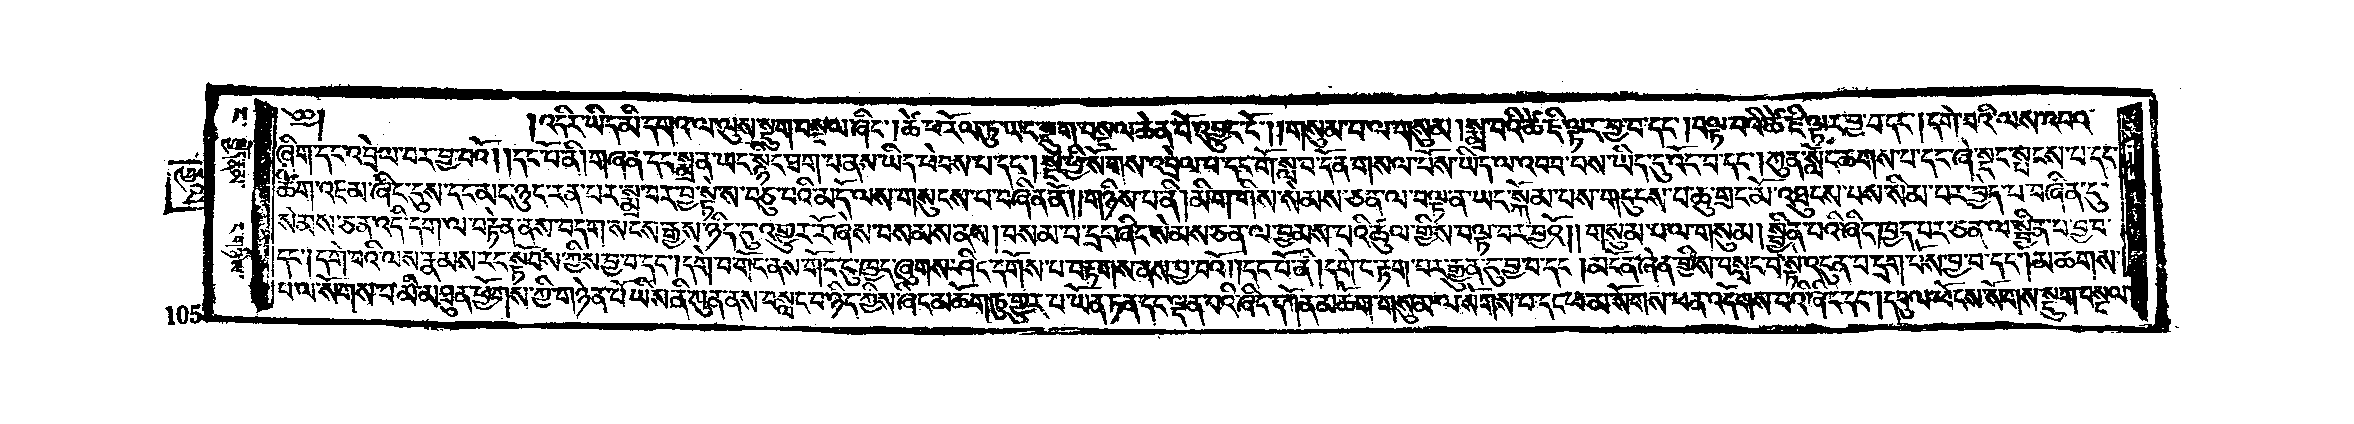༄༅། །འདིར་ཡིད་མི་དགའ་ལ་ལུས་སྡུག་བསྔལ་ཞིང་། ཚེ་ཕ་རོལ་ཏུ་ཡང་སྡུག་བསྔལ་ཆེན་པོ་འབྱུང་ངོ། །གསུམ་པ་ལ་གསུམ། སྨྲ་བའི་ཚེ་ཇི་ལྟར་བྱ་བ་དང་། བལྟ་བའི་ཚེ་ཇི་ལྟར་བྱ་བ་དང་། དགེ་བའི་ལས་འབའ་
ཞིག་དང་འབྲེལ་བར་བྱ་བའོ། །གཞན་དང་སྨྲ་ན་ཡང་སྙིང་ཐག་པ་ནས་ཡིད་ཕེབས་པ་དང་། སྔ་ཕྱི་སོགས་འབྲེལ་བ་དང་གོ་སླ་བ་དོན་གསལ་པོས་ཡིད་ལ་འབབ་པས་ཡིད་དུ་འོང་བ་དང་། ཀུན་སློང་ཆགས་པ་དང་ཞེ་སྡང་སྤངས་པ་དང་
ཚིག་འཇམ་ཞིང་དུས་དང་མང་ཉུང་རན་པར་སྨྲ་བར་བྱ་སྟེ་ས་བཅུ་པའི་མདོ་ལས་གསུངས་པ་བཞིན་ནོ། །གཉིས་པ་ནི། མིག་གིས་སེམས་ཅན་ལ་བལྟ་ན་ཡང་སྐོམ་པས་གདུངས་པ་ཆུ་གྲང་མོ་འཐུངས་པས་སིམ་པར་བྱེད་པ་བཞིན་དུ་
སེམས་ཅན་འདི་དག་ལ་བརྟེན་ནས་བདག་སངས་རྒྱས་ཉིད་དུ་འགྱུར་རོ་ཞེས་བསམས་ནས། བསམ་པ་དྲང་ཞིང་སེམས་ཅན་ལ་བྱམས་པའི་ཚུལ་གྱིས་བལྟ་བར་བྱའོ། །གསུམ་པ་ལ་གསུམ། སྦྱིན་པའི་ཞིང་ཁྱད་པར་ཅན་ལ་སྦྱིན་པ་བྱ་བ་
དང༑ དགེ་བའི་ལས་རྣམས་རང་སྟོབས་ཀྱིས་བྱ་བ་དང་། དགེ་བ་གོང་ནས་གོང་དུ་ཁྱད་ཞུགས་ཤིང་དགོས་པ་བརྟགས་ནས་བྱ་བའོ། །དང་པོ་ནི། དགེ་བ་རྟག་པར་རྒྱུན་དུ་བྱ་བ་དང་། མངོན་ཞེན་གྱིས་བསླང་བ་སྟེ་འདུན་པ་དྲག་པོས་བྱ་བ་དང་། མ་ཆགས་
པ་ལ་སོགས་པ་མི་མཐུན་ཕྱོགས་ཀྱི་གཉེན་པོ་ཡིས་ནི་ཀུན་ནས་བསླང་བ་ཉིད་ཀྱིས་ཞིང་མཆོག་ཏུ་གྱུར་པ་ཡོན་ཏན་དང་ལྡན་པའི་ཞིང་དཀོན་མཆོག་གསུམ་ལ་སོགས་པ་དང་ཕ་མ་སོགས་ཕན་འདོགས་པའི་ཞིང་དང་། དབུལ་ཕོངས་སོགས་སྡུག་བསྔལ་